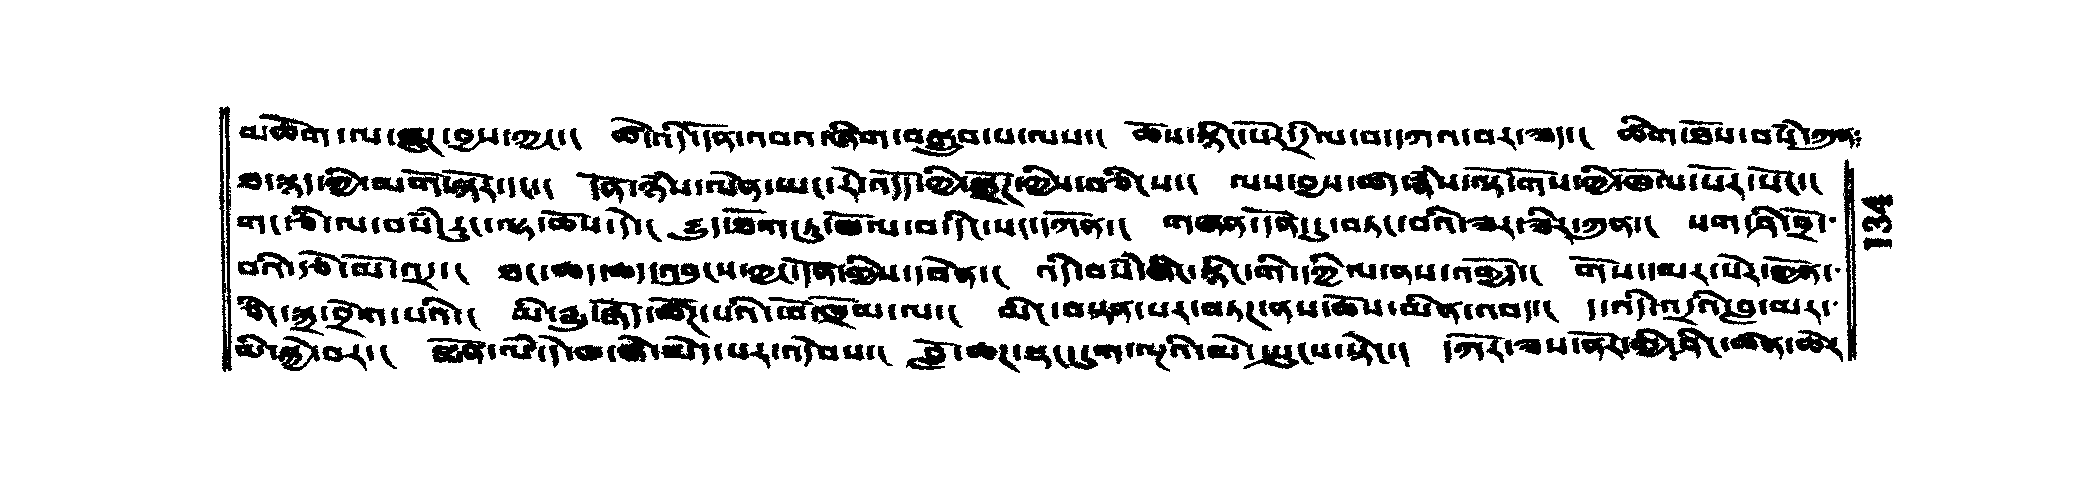མཆོག་ལ་ཞུགས་བྱས་ཀྱང་། །ཚེ་འདི་དོན་འབའ་ཞིག་བསྒྲུབ་པ་ལས། །ཆོས་སྙིང་པོར་དྲིལ་བ་དཀའ་བར་ཟད། །ཚིག་ཐོས་བསམ་ཀུན་
ཐ་སྙད་ཀྱི་མགོ་སྐོར་དང་། །དོན་ཉམས་ལེན་ཡང་རེ་འདོད་ཀྱི་སྒྲོག་གིས་བཅིངས། །ལས་བྱས་ཚད་རྣམས་ལྟོ་གོས་ཀྱི་ཁོལ་པོར་སོང་། །
གང་ཅི་ལ་བསམ་རུང་ལྷ་ཆོས་དེ། །རྒྱུད་ཐོག་ཏུ་ཁལོ་བ་དིང་སང་དཀོན། །གཞན་དོན་དུ་བཏང་བའི་ཟར་ཟིར་ཀུན། །པག་ཤི་བྲོ་
བའི་རྩེ་མོ་འདྲ། །ཐང་ཆད་ཆད་འབུངས་ཀྱང་དོན་གྱིས་དབེན། །འདི་བསམ་ཞིང་སྙིང་གི་དཀྱིལ་ནས་འགྱོད། །གོས་དམར་སེར་གྱོན་
ཅིང་སྐྲ་བྲེགས་པའི། །མི་རྨུ་རྒོད་ཚོགས་པའི་ཕོ་ཁྲོམ་ལ། །མིང་བསྟན་པར་བཏགས་ནས་ཆོས་མིན་འབད། །ད་འདི་འདྲའི་བླ་མར་
མི་སྐྱེ་བར། །སྨོན་ལམ་དེ་ཁ་ཞེ་མེད་པར་འདེབས། །བློ་ཆགས་སྡང་དུག་ལྔའི་མེ་སྤུང་སྟེང་། །དཀོར་ཟས་ནོར་གྱི་ཤིང་ཚན་ཆེར་